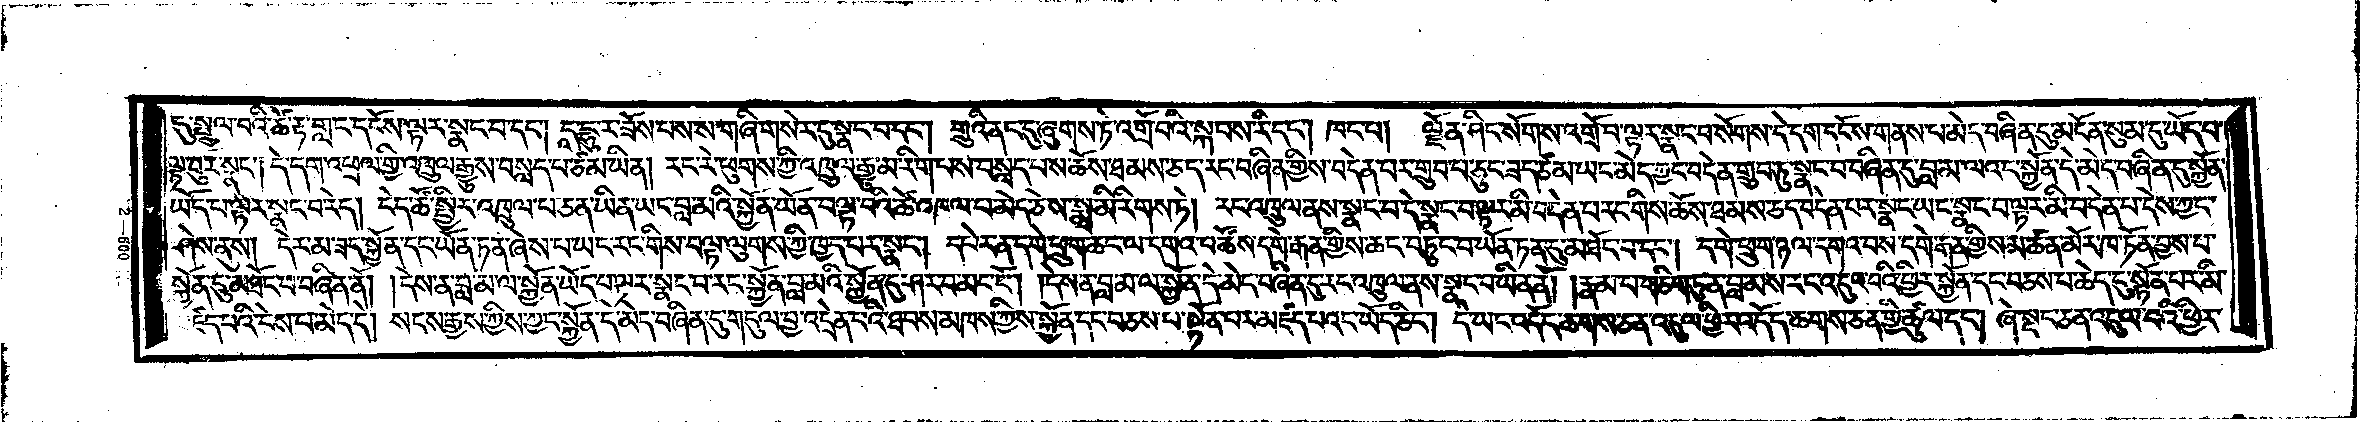དུ་སྤྲུལ་པའི་ཚེ་རྟ་གླང་དངོས་ལྟར་སྣང་བ་དང་། དཱ་དྷུ་ར་ཟོས་པས་ས་གཞི་གསེར་དུ་སྣང་བ་དང་། གྲུའི་ནང་དུ་ཞུགས་ཏེ་འགྲོ་བའི་སྐབས་རི་དང་། ཁང་པ། ལྗོན་ཤིང་སོགས་འགྲོ་བ་ལྟར་སྣང་བ་སོགས་དེ་དག་དངོས་གནས་པ་མེད་བཞིན་དུ་མངོན་སུམ་དུ་ཡོད་པ་
ལྟ་བུར་སྣང་༑དེ་དག་འཕྲལ་གྱི་འཁྲུལ་རྒྱུས་བསླད་པ་ཙམ་ཡིན། རང་རེ་ཕུགས་ཀྱི་འཁྲུལ་རྒྱུ་མ་རིག་པས་བསླད་པས་ཆོས་ཐམས་ཅད་རང་བཞིན་གྱིས་བདེན་པར་གྲུབ་པ་ཅུང་ཟད་ཙམ་ཡང་མེད་ཀྱང་བདེན་གྲུབ་ཏུ་སྣང་བ་བཞིན་དུ་བླ་མ་ལའང་སྐྱོན་དེ་མེད་བཞིན་དུ་སྐྱོན་
ཡོད་པ་ལྟར་སྣང་བ་རེད། དེད་ཚོ་སྤྱིར་འཁྲུལ་པ་ཅན་ཡིན་ཡང་བླ་མའི་སྐྱོན་ཡོན་བལྟ་བའི་ཚེ་འཁལ་པ་མེད་ཅེས་སྨྲ་མི་རིགས་ཏེ། རང་འཁྲུལ་ནས་སྣང་བ་དེ་སྣང་བ་ལྟར་མི་བདེན་པ་རང་གིས་ཆོས་ཐམས་ཅད་བདེན་པར་སྣང་ཡང་སྣང་བ་ལྟར་མི་བདེན་པ་དེས་ཀྱང་
ཤེས་ནུས། དེར་མ་ཟད་སྐྱོན་དང་ཡོན་ཏན་ཞེས་པ་ཡང་རང་གིས་བལྟ་ལུགས་ཀྱི་ཁྱད་པར་སྣང་། དཔེར་ན་དགེ་ཕྲུག་ཆང་ལ་དགའ་བ་ཚོས་དགེ་རྒྱན་གྱིས་ཆང་བཏུང་བ་ཡོན་ཏན་དུ་མཐོང་བ་དང་། དགེ་ཕྲུག་ཉལ་དགའ་བས་དགེ་རྒྱན་གྱིས་མཚན་མོར་ཁ་ཏོན་བྱས་པ་
སྐྱོན་དུ་མཐོང་བ་བཞིན་ནོ། །དེས་ན་བླ་མ་ལ་སྐྱོན་ཡོད་པ་ལྟར་སྣང་བ་རང་སྐྱོན་བླ་མའི་སྐྱོན་དུ་ཤར་བ་མང་ངོ། །དེས་ན་བླ་མ་ལ་སྐྱོན་མེད་བཞིན་དུ་རང་འཁྲུལ་ནས་སྣང་བ་ཡིན་ནོ། །རྣམ་པ་གཅིག་ཏུ་ན་བླ་མས་རང་འདུལ་བའི་ཕྱིར་སྐྱོན་དང་བཅས་པ་ཆེད་དུ་སྟོན་པར་མི་
མཛད་པའི་ངེས་པ་མེད་དེ། སངས་རྒྱས་ཀྱིས་ཀྱང་སྐྱོན་དེ་མེད་བཞིན་དུ་གདུལ་བྱ་འདྲེན་པའི་ཐབས་མཁས་ཀྱིས་སྐྱོན་དང་བཅས་པ་སྟོན་པར་མཛད་པའང་ཡོད་ཅིང་། དེ་ཡང་འདོད་ཆགས་ཅན་འདུལ་ཕྱིར་འདོད་ཆགས་ཅན་གྱི་ཚུལ་དང་། ཞེ་སྡང་ཅན་འདུལ་བའི་ཕྱིར་